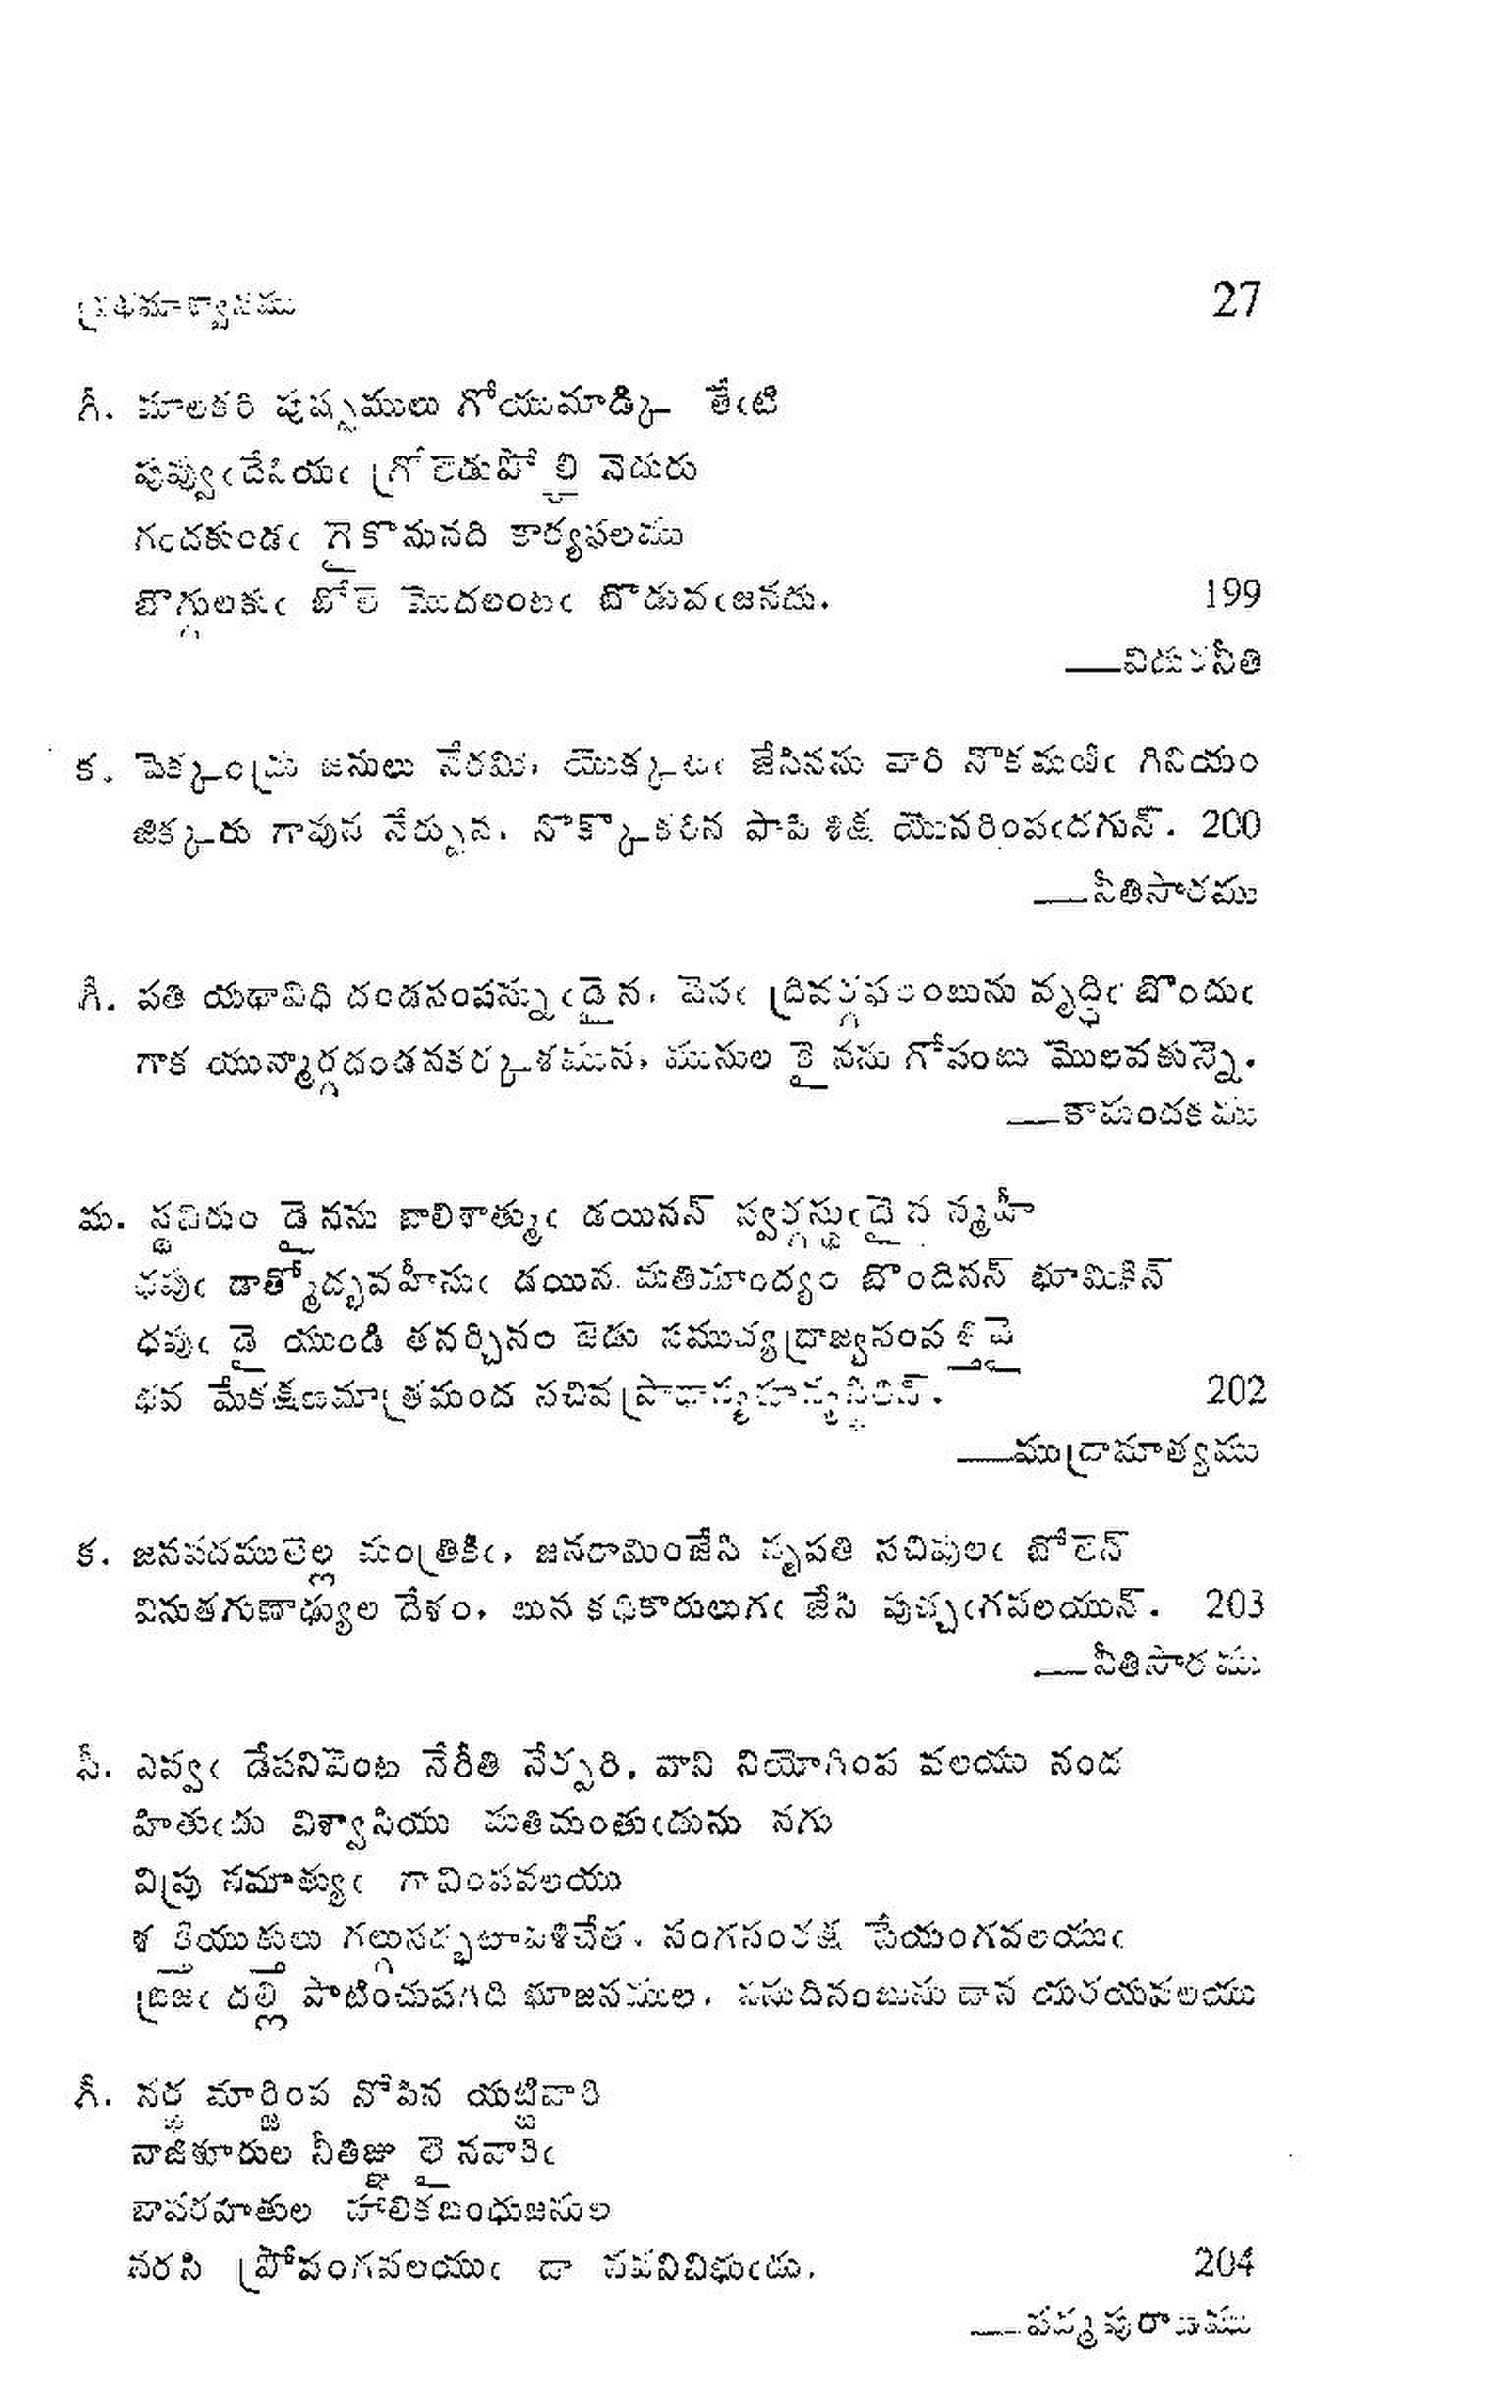గీ. మాలకరి పుష్పములు గోయుమాడ్కి తేఁటి
పువ్వుఁదేనియఁ గ్రోలెడుపోల్కి నెదురు
గందకుండఁ గైకొనునది కార్యఫలము
బొగ్గులకుఁ బోలె మెదలంటఁ బొడువఁజనదు. 199

క. పెక్కండ్రు జనులు నేరమి
యొక్కటఁ జేసినను వారి నొకమణిఁ గినియం
జిక్కరు గావున నేర్పున
నొక్కొకరిన పాపి శిక్ష యొనరింపఁదగున్ 200

గీ. పతి యథావిధి దండసంపన్నుఁడైన
వెసఁ ద్రివర్గఫలంబును వృద్ధిఁ బొందుఁ
గాక యున్మార్గదండనకర్కశమున
మునులకైనను గోపంబు మొలవకున్నె 201

మ. స్థవిరుం డైనను బాలిశాత్ముఁ డయినన్ స్వర్గస్థుఁడైన న్మహీ
ధవుఁ డాత్మోద్భవహీనుఁ డయిన మతిమాంద్యం బొందినన్ భూమికిన్
ధవుఁ డై యుండి తనర్చినం జెడు సముద్యద్రాజ్యసంపత్తివై
భవ మేకక్షణమాత్రమంద సచివప్రాధాన్యశూన్యస్థితిన్. 202

క. జనపదములెల్ల మంత్రికిఁ
జనరామింజేసి నృపతి సచివులఁ బోలెన్
వినుతగుణాఢ్యుల దేశం
బున కధికారులుగఁ జేసి పుచ్చఁగవలయున్ 203

సీ. ఎవ్వఎ డేపనివెంట నేరీతి నేర్పరి
వాని నియోగింప వలయు నంద
హితుఁడు విశ్వాసియు మతిమంతుఁడును నగు
విప్రు నమాత్యుఁ గావింపవలయు
శక్తియుక్తులు గల్గుసద్భటావళిచేత
నంగసంరక్ష సేయంగవలయుఁ
బ్రజఁ దల్లి పాటించుపగిది భూజనముల
ననుదినంబును దాన యరయవలయు
గీ. నర్థ మార్జింప నోపిన యట్టివారి
నాజిశూరుల నీతిజ్ఞు లైనవారిఁ
బాపరహితుల హాలికబంధుజనుల
నరసి ప్రోవంగవలయుఁ దా నవనివిభుఁడు. 204